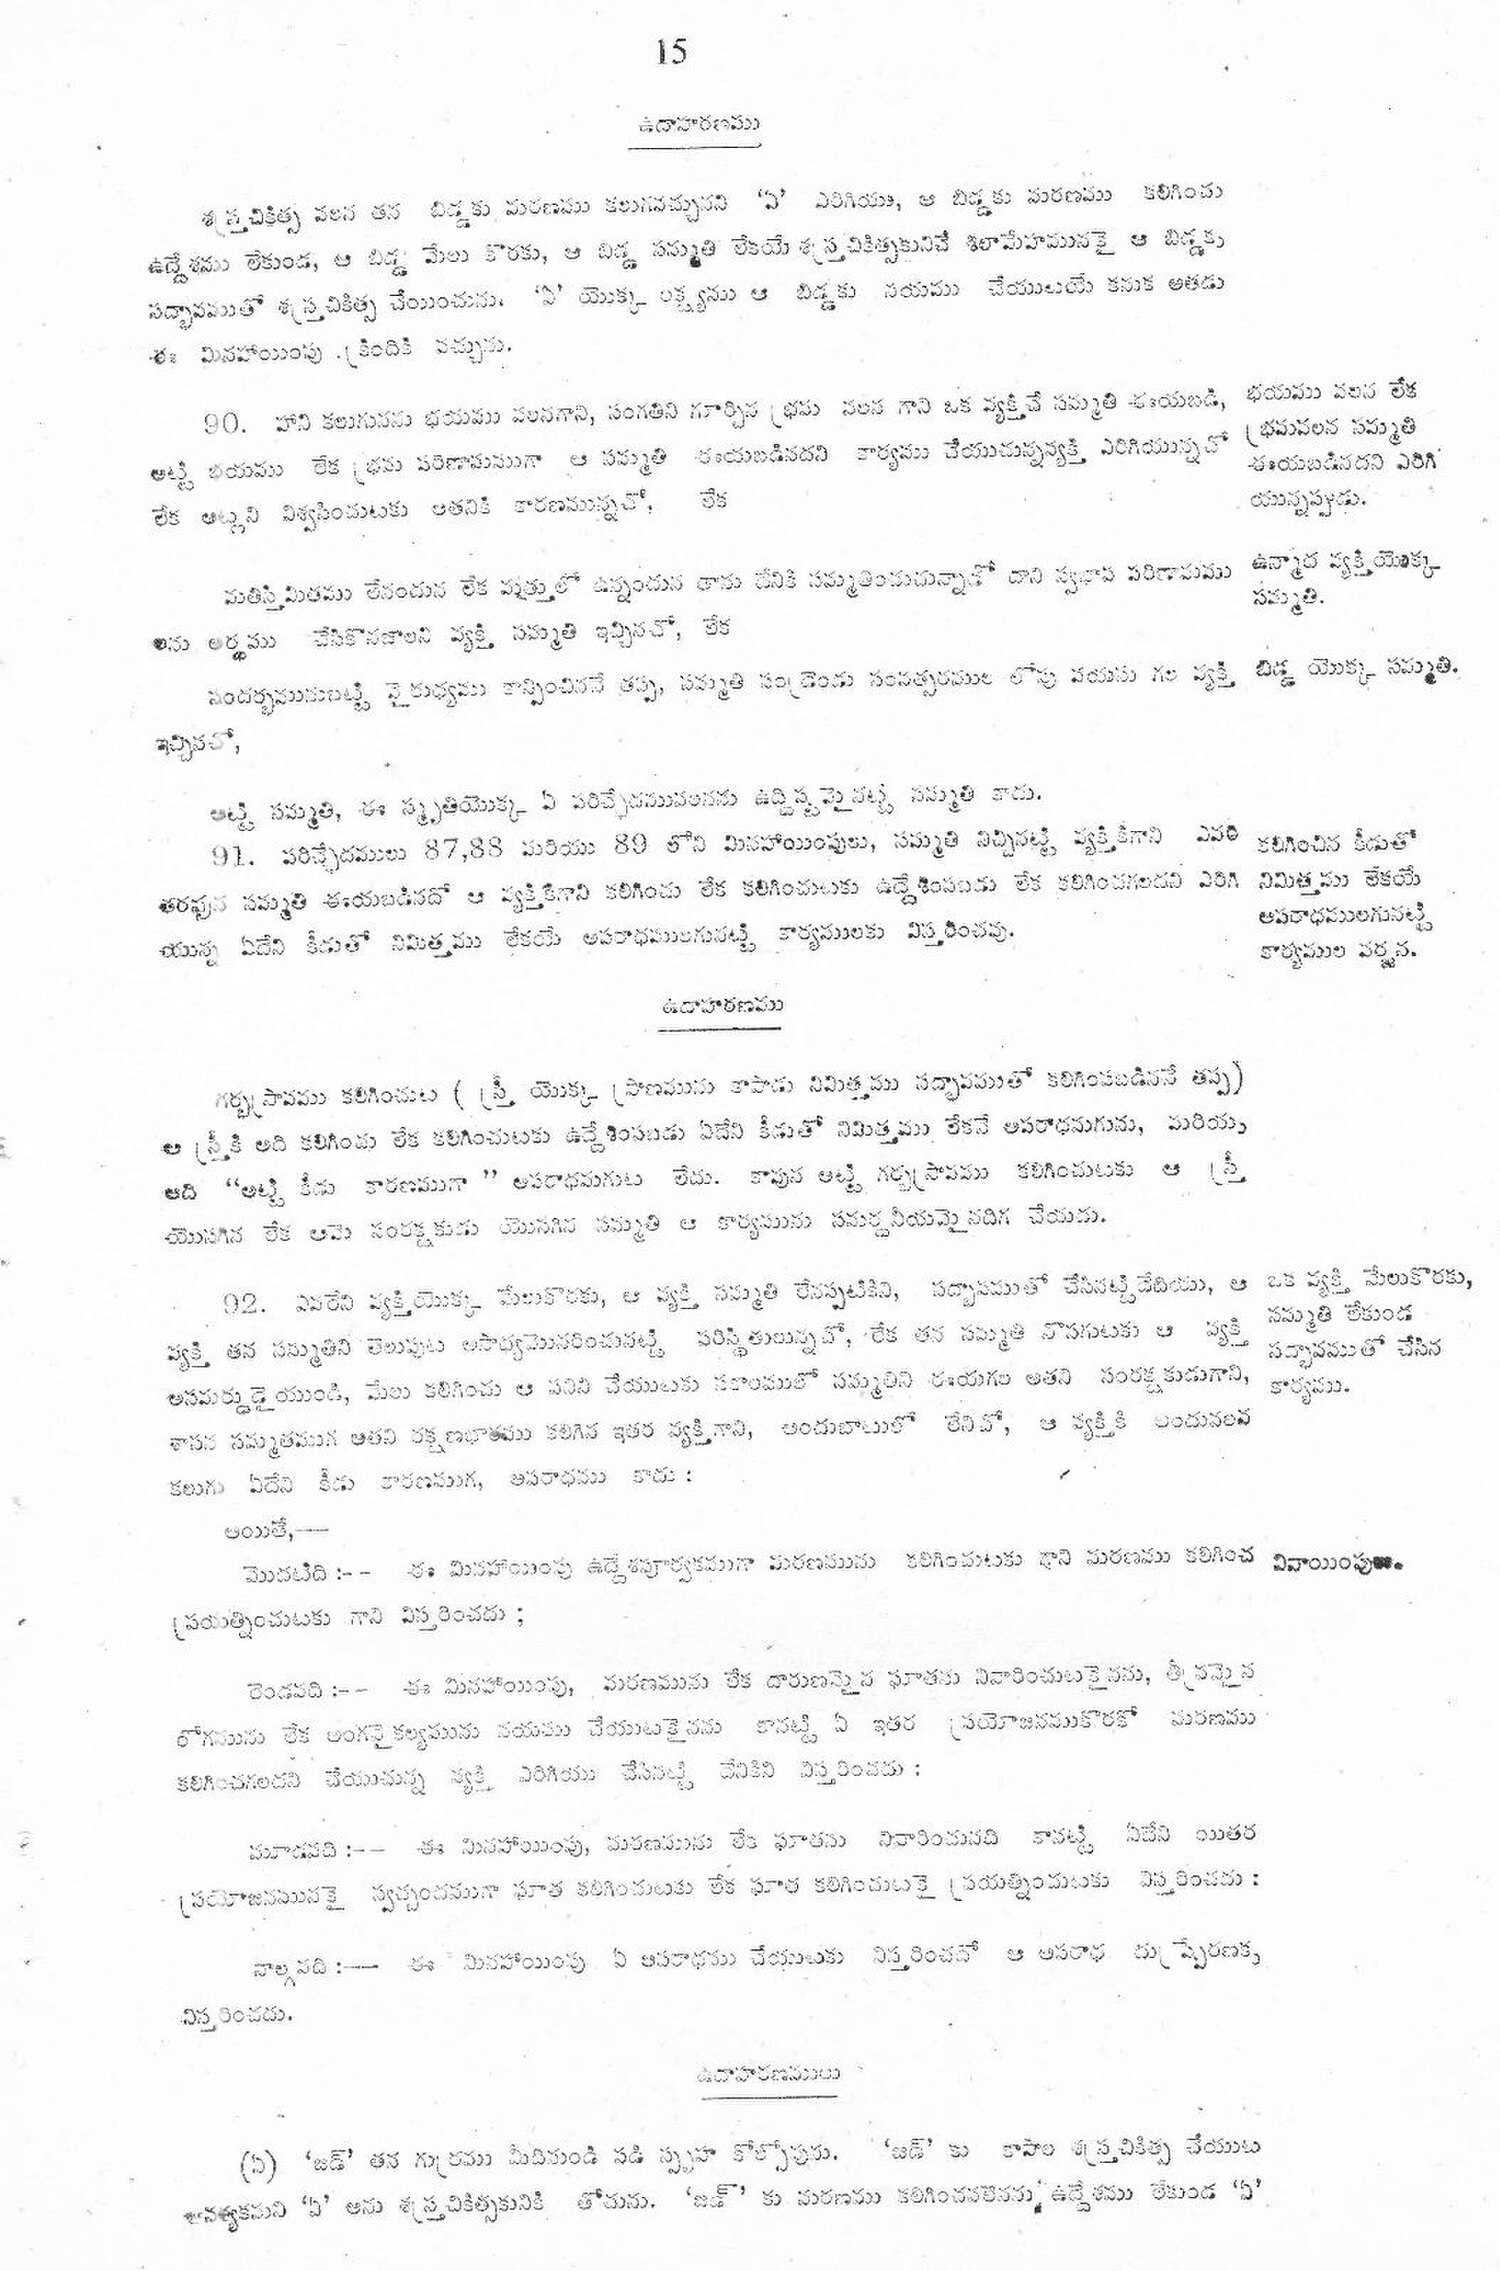శస్త్రచికిత్స వలన తన బిడ్డకు మరణము కలుగవచ్చునని 'ఏ' ఎరిగియు, ఆ బిడ్డకు మరణము కలిగించు ఉద్దేశము లేకుండ, ఆ బిడ్డ మేలు కొరకు, ఆ దీక్ష సమ్మతి లేకయే శస్త్ర చికిత్సకునిచే శిలా మేహమునకై ఆ బిడ్డకు సద్భావముతో శస్త్ర చికిత్స చేయించును. 'ఏ' యొక్క లక్ష్యము ఆ బిడ్డకు నయము చేయుటయే కనుక అతడు ఈ మినహాయింపు - క్రిందికి వచ్చును.

భయము వలన లేక భ్రమవలన సమ్మతి ఈయబడినదని ఎరిగి యున్నప్పుడు.

90. హాని కలుగునను భయము వలనగాని, సంగతిని గూర్చిన భ్రమ వలన గాని ఒక వ్యక్తిచే సమ్మతి ఈయబడి, అట్టి భయము లేక భ్రమ పరిణామముగా ఆ సమ్మతి ఈయబడినదని కార్యము చేయుచున్నవ్యక్తి ఎరిగియున్నచో లేక అట్లని విశ్వసించుటకు అతనికి కారణమున్నచో, లేక

ఉన్మాద వ్యక్తి యొక్క సమ్మతి.

మతిస్తిమితము లేనందున లేక మత్తులో ఉన్నందున తాను దేనికి సమ్మతించుచున్నడో, దాని స్వభావ పరిణామము 
లను అర్థము చేసికొనజాలని వ్యక్తి సమ్మతి ఇచ్చినచో, లేక

బిడ్డ యొక్క సమ్మతి.

సందర్భమును బట్టి వైరుధ్యము కాన్పించిననే తప్ప, సమ్మతి పండ్రెండు సంవత్సరముల లోపు వయసు గల వ్యక్తి 
ఇచ్చినచో,

అట్టి సమ్మతి, ఈ స్మృతియొక్క ఏ పరిచ్ఛేదమువలనను ఉద్ధిష్తమైనట్టి సమ్మతి కాదు.

కలిగించిన కీడుతో నిమిత్తము లేకయే అపరాధములగునట్టి కార్యముల వర్జన.

91. పరిచ్చేదములు 87,88 మరియు 89 లోని మినహాయింపులు, సమ్మతి నిచ్చినట్టి వ్యక్తి కిగాని ఎవరి తరపున సమ్మతి ఈయబడినదో ఆ వ్యక్తికి గాని కలిగించు లేక కలిగించుటికు ఉద్దేశింపబడు లేక కలిగించగలదని ఎరిగి యున్న ఏదేని కీడుతో నిమిత్తము లేకయే అపరాధములగునట్టి కార్యములకు విస్తరించవు.

గర్బస్రావము కలిగించుట ( స్త్రీ —యొక్క ప్రాణమును కాపాడు నిమిత్తము సద్భావముతో కలిగింపబడిననే తప్ప) ఆ
స్త్రీకి అది కలిగించు లేక కలిగించుటకు ఉద్దేశింపబడు ఏదేని కీడుతో నిమిత్తము లేకనే అపరాధమగును, మరియు
అది “అట్టి కీడు కారణముగా " అపరాధమగుట లేదు. కావున అట్టి గర్భస్రావము కలిగించుటకు ఆ స్త్రీ యొసగిన లేక ఆమె సంరక్షకుడు యొసగిన సమ్మతి ఆ కార్యఘును సమర్దనీయమైనదిగ చేయదు.

ఒక వ్యక్తి మేలుకొరకు, సమ్మతి లేకుండ సద్భావముతో చేసిన కార్యము.

92. ఎవరేని వ్యక్తి యొక్క మేలుకొరకు, ఆ వ్యక్తి సమ్మతి లేనప్పటికిని, సద్భావముతో చేసినట్టి దేదియు, ఆ 
వ్యక్తి తన సమ్మతిని తెలుపుట అసాధ్యమొనరించునట్టి పరిస్థితులున్నచో, లేక తన సమ్మతి నొసగుటకు ఆ వ్యక్తి
అసమర్ధుడై యుండి, మేలు కలిగించు ఆ పనిని చేయుటకు సకాలములో సమ్మతిని ఈయగల అతని సంరక్షకుడుగాని,
శాసన సమ్మతము, అతని రక్షణభారము కలిగిన ఇతర వ్యక్తి గాని, అందుబాటులో లేనిచో, ఆ వ్యక్తికి అందువలన
కలుగు ఏదేని కీడు కారణముగ, ఆపరాధము కాదు :

అయితే,——

మినహాయింపులు.

మొదటిది :-- ఈ మినహాయింపు ఉద్దేశపూర్వకముగా మరణమును కలిగించుటకు గాని మరణము కలిగించ ప్రయత్నించుటకు గాని విస్తరించదు ;

రెండవది :-- ఈ మినహాయింపు, మరణమును లేక దారుణమైన ఘాతను నివారించుటకైనను, తీవ్రమైన రోగమును లేక అంగవైకల్యమును నయము చేయుటకైనను కానట్టి ఏ ఇతర ప్రయోజనము కొరకో మరణము కలిగించగలదని చేయుచున్న వ్యక్తి ఎరిగియు చేసినట్టి దేనికిని విస్తరించడు :

మూడవది:-- ఈ మినహాయింపు, మరణమును లేక ఘాతను నివారించునది కానట్టి ఏదేని యితర ప్రయోజనమునకై స్వచ్ఛందముగా ఘాత కలిగించుటకు లేక ఘాత కలిగించుటకై ప్రయత్నించుటకు విస్తరించదు:

నాల్గవది:-- ఈ మినహాయింపు ఏ అపరాధము చేయులకు విస్తరించదో ఆ అపరాధ మస్పేరణకు విస్తరించదు.

(ఏ) 'జడ్' తన గుర్రము మీది నుండి పడి స్పృహ కోల్పోవును, 'బడ్'కు కాపాల శస్త్ర చికిత్స చేయుట ఆవశ్యకమని 'ఏ' అను శస్త్ర చికిత్సకునికి తోచును. 'జడ్' కు మరణము కలిగించవలేనను ఉద్దేశము లేకుండ 'ఏ'